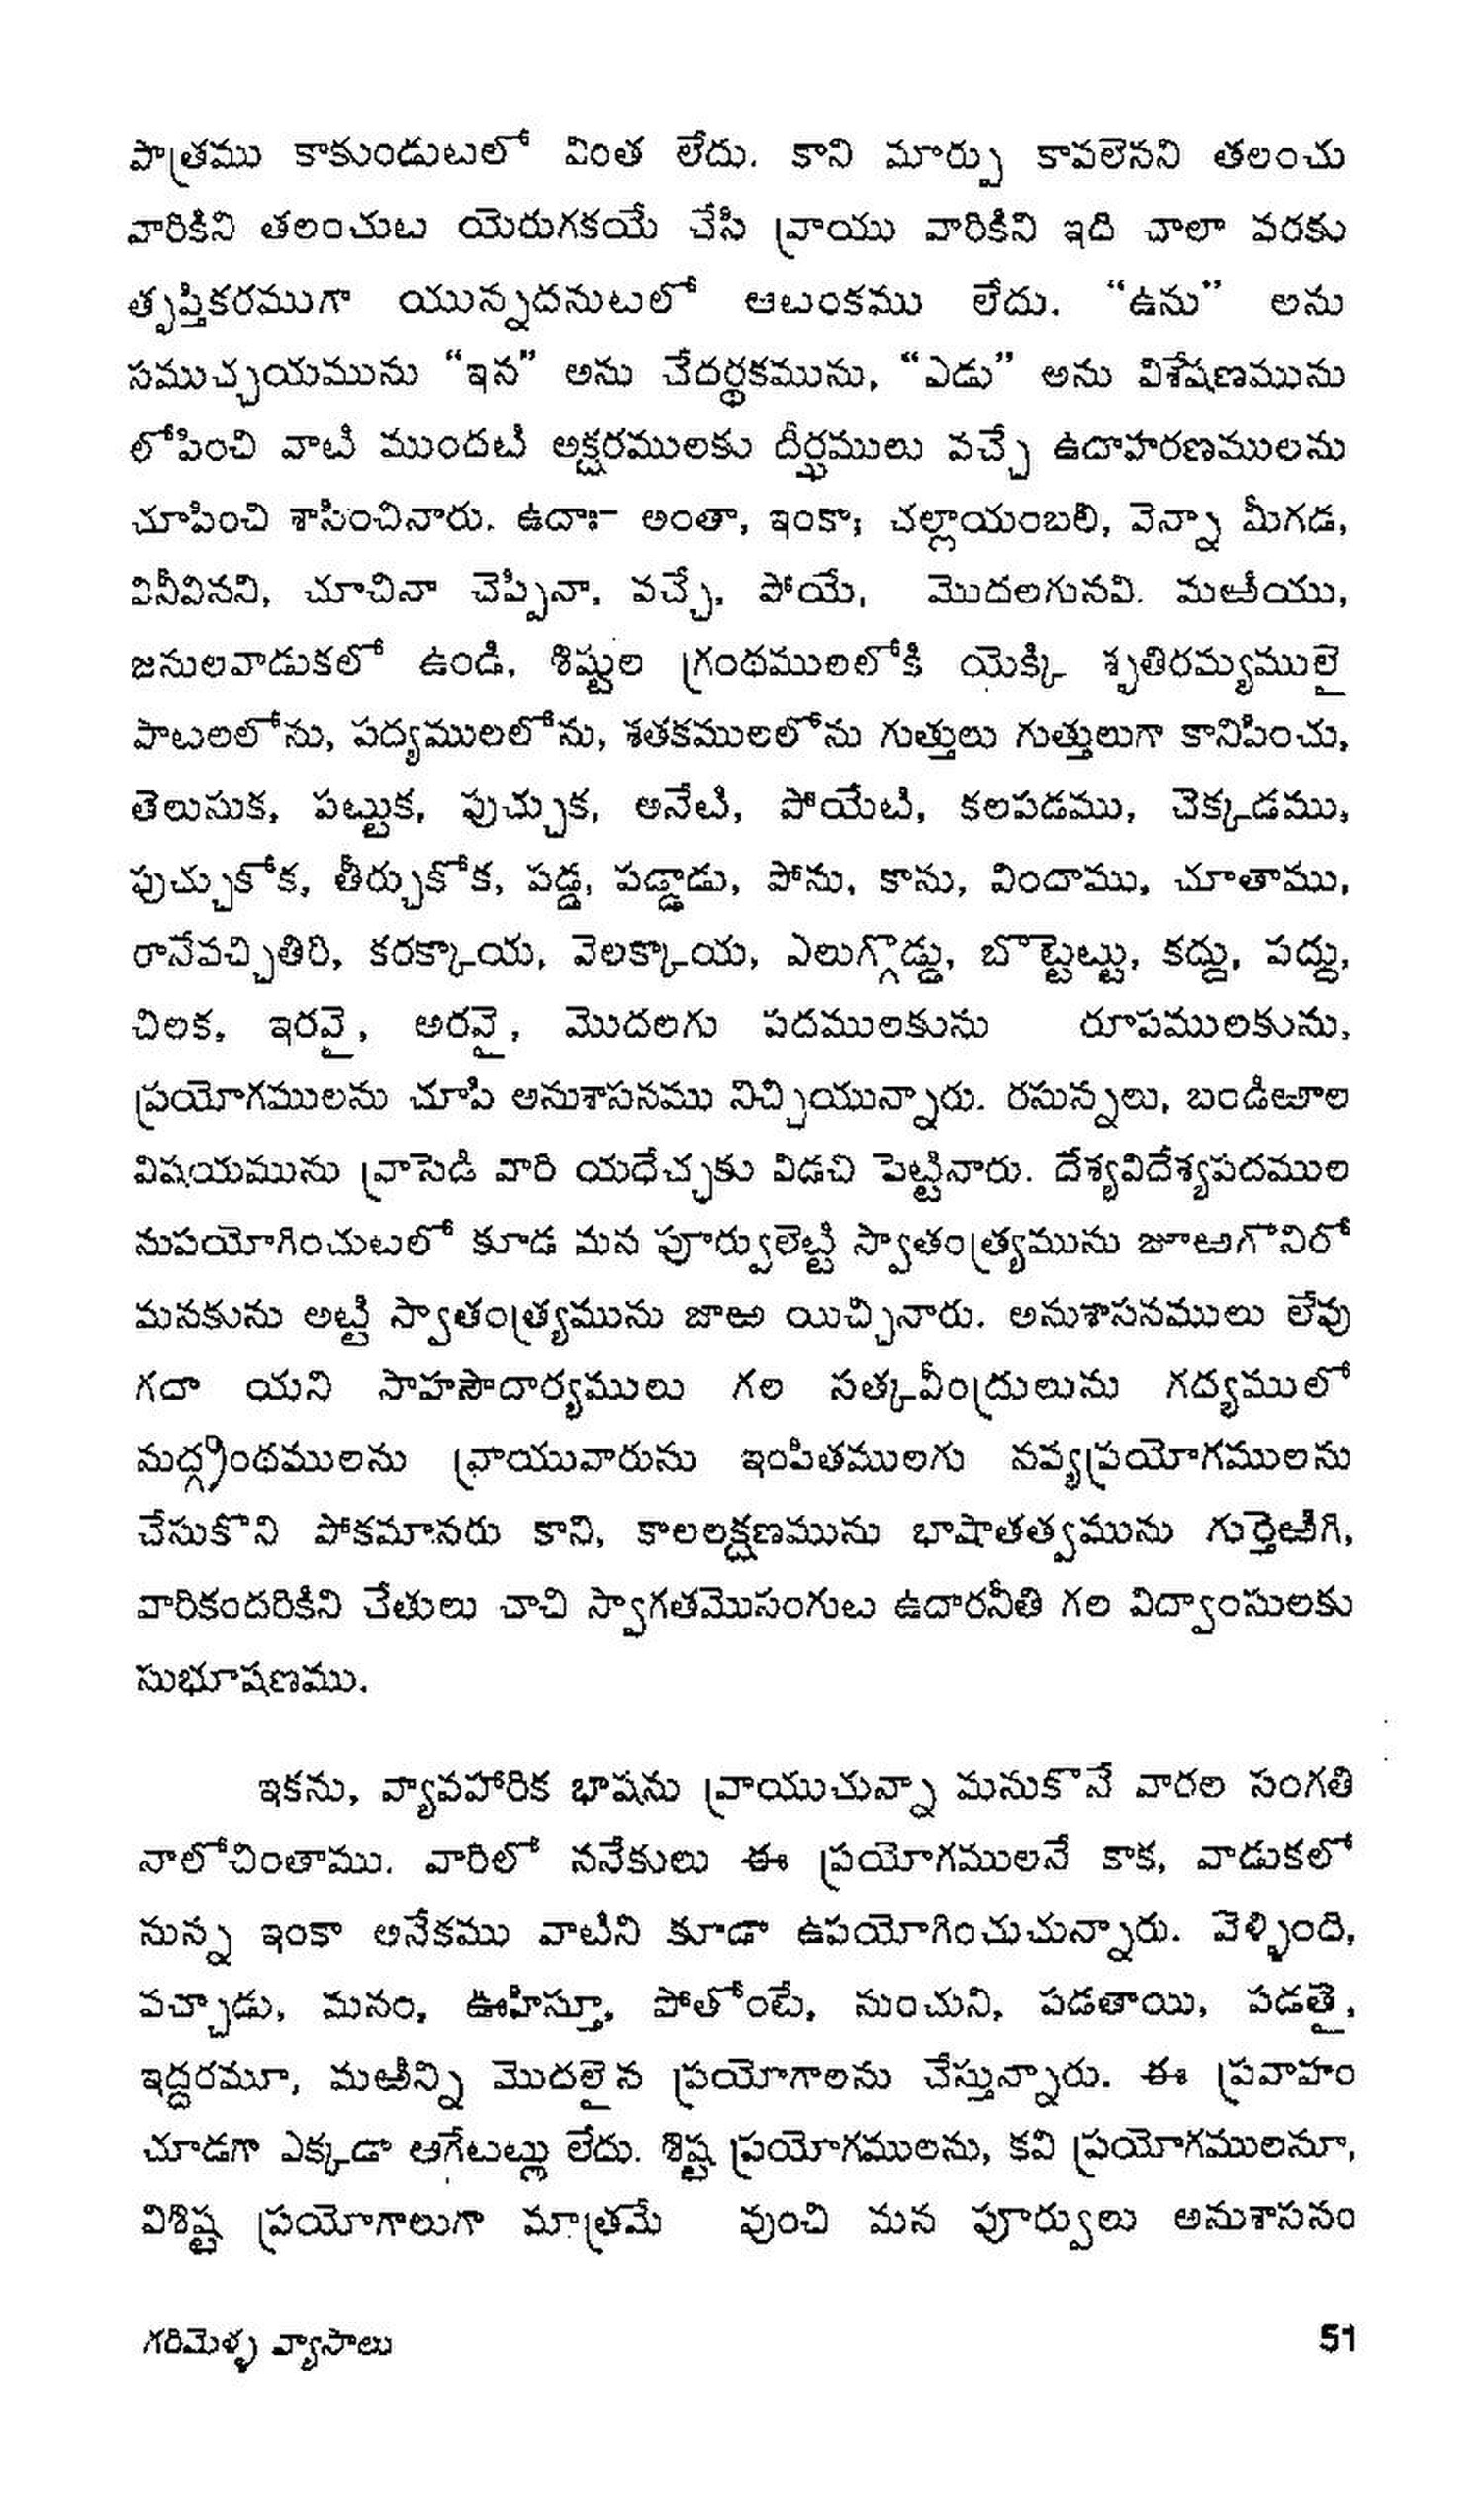పాత్రము కాకుండుటలో వింత లేదు. కాని మార్పు కావలెనని తలంచు వారికిని తలంచుట యెరుగకయే చేసి వ్రాయు వారికిని ఇది చాలా వరకు తృప్తికరముగా యున్నదనుటలో ఆటంకము లేదు. "ఉను" అను సముచ్చయమును "ఇన" అను చేదర్థకమును, "ఎడు" అను విశేషణమును లోపించి వాటి ముందటి అక్షరములకు దీర్ఘములు వచ్చే ఉదాహరణములను చూపించి శాసించినారు. ఉదా:- అంతా, ఇంకా, చల్లాయంబలి, వెన్నా మీగడ, వినీవినని, చూచినా చెప్పినా, వచ్చే, పోయే, మొదలగునవి మఱియు, జనులవాడుకలో ఉండి, శిష్టుల గ్రంథములలోకి యెక్కి శృతిరమ్యములై పాటలలోను, పద్యములలోను, శతకములలోను గుత్తులు గుత్తులుగా కానిపించు, తెలుసుక, పట్టుక, పుచ్చుక, అనేటి, పోయేటి, కలపడము, చెక్కడము, పుచ్చుకోక, తీర్చుకోక, పడ్డ, పడ్డాడు, పోను, కాను, విందాము, చూతాము, రానేవచ్చితిరి, కరక్కాయ, వెలక్కాయ, ఎలుగ్గొడ్డు, బొట్టెట్టు, కద్ధు, పద్దు, చిలక, ఇరవై, అరవై, మొదలగు పదములకును రూపములకును, ప్రయోగములను చూపి అనుశాసనము నిచ్చియున్నారు. అరసున్నలు, బండిఱాల విషయమును వ్రాసెడి వారి యధేచ్చకు విడచి పెట్టినారు. దేశ్యవిదేశ్యపదముల నుపయోగించుటలో కూడ మన పూర్వులెట్టి స్వాతంత్ర్యమును జూఱగొనిరో మనకును అట్టి స్వాతంత్ర్యమును జాఱ యిచ్చినారు. అనుశాసనములు లేవు గదా యని సాహసౌదార్యములు గల సత్కవీంద్రులును గద్యములో ముద్గ్రంథములను వ్రాయువారును ఇంపితములగు నవ్యప్రయోగములను చేసుకొని పోకమానరు కాని, కాలలక్షణమును భాషాతత్వమును గుర్తెఱిగి, వారికందరికిని చేతులు చాచి స్వాతగమొసంగుట ఉదారనీతి గల విద్వాంసులకు సుభూషణము.

ఇకను, వ్యావహారిక భాషను వ్రాయుచున్నా మనుకొనే వారల సంగతి నాలోచింతాము. వారిలో ననేకులు ఈ ప్రయోగములనే కాక, వాడుకలో నున్న ఇంకా అనేకము వాటిని కూడా ఉపయోగించుచున్నారు. వెళ్ళింది, వచ్చాడు, మనం, ఊహిస్తూ, పోతోంటే, నుంచుని, పడతాయి, పడతై, ఇద్దరమూ, మఱిన్ని మొదలైన ప్రయోగాలను చేస్తున్నారు. ఈ ప్రవాహం చూడగా ఎక్కడా ఆగేటట్లు లేదు. శిష్ట ప్రయోగములను కవి ప్రయోగములనూ, విశిష్ట ప్రయోగాలుగా మాత్రమే వుంచి మన పూర్వులు అనుశాసనం